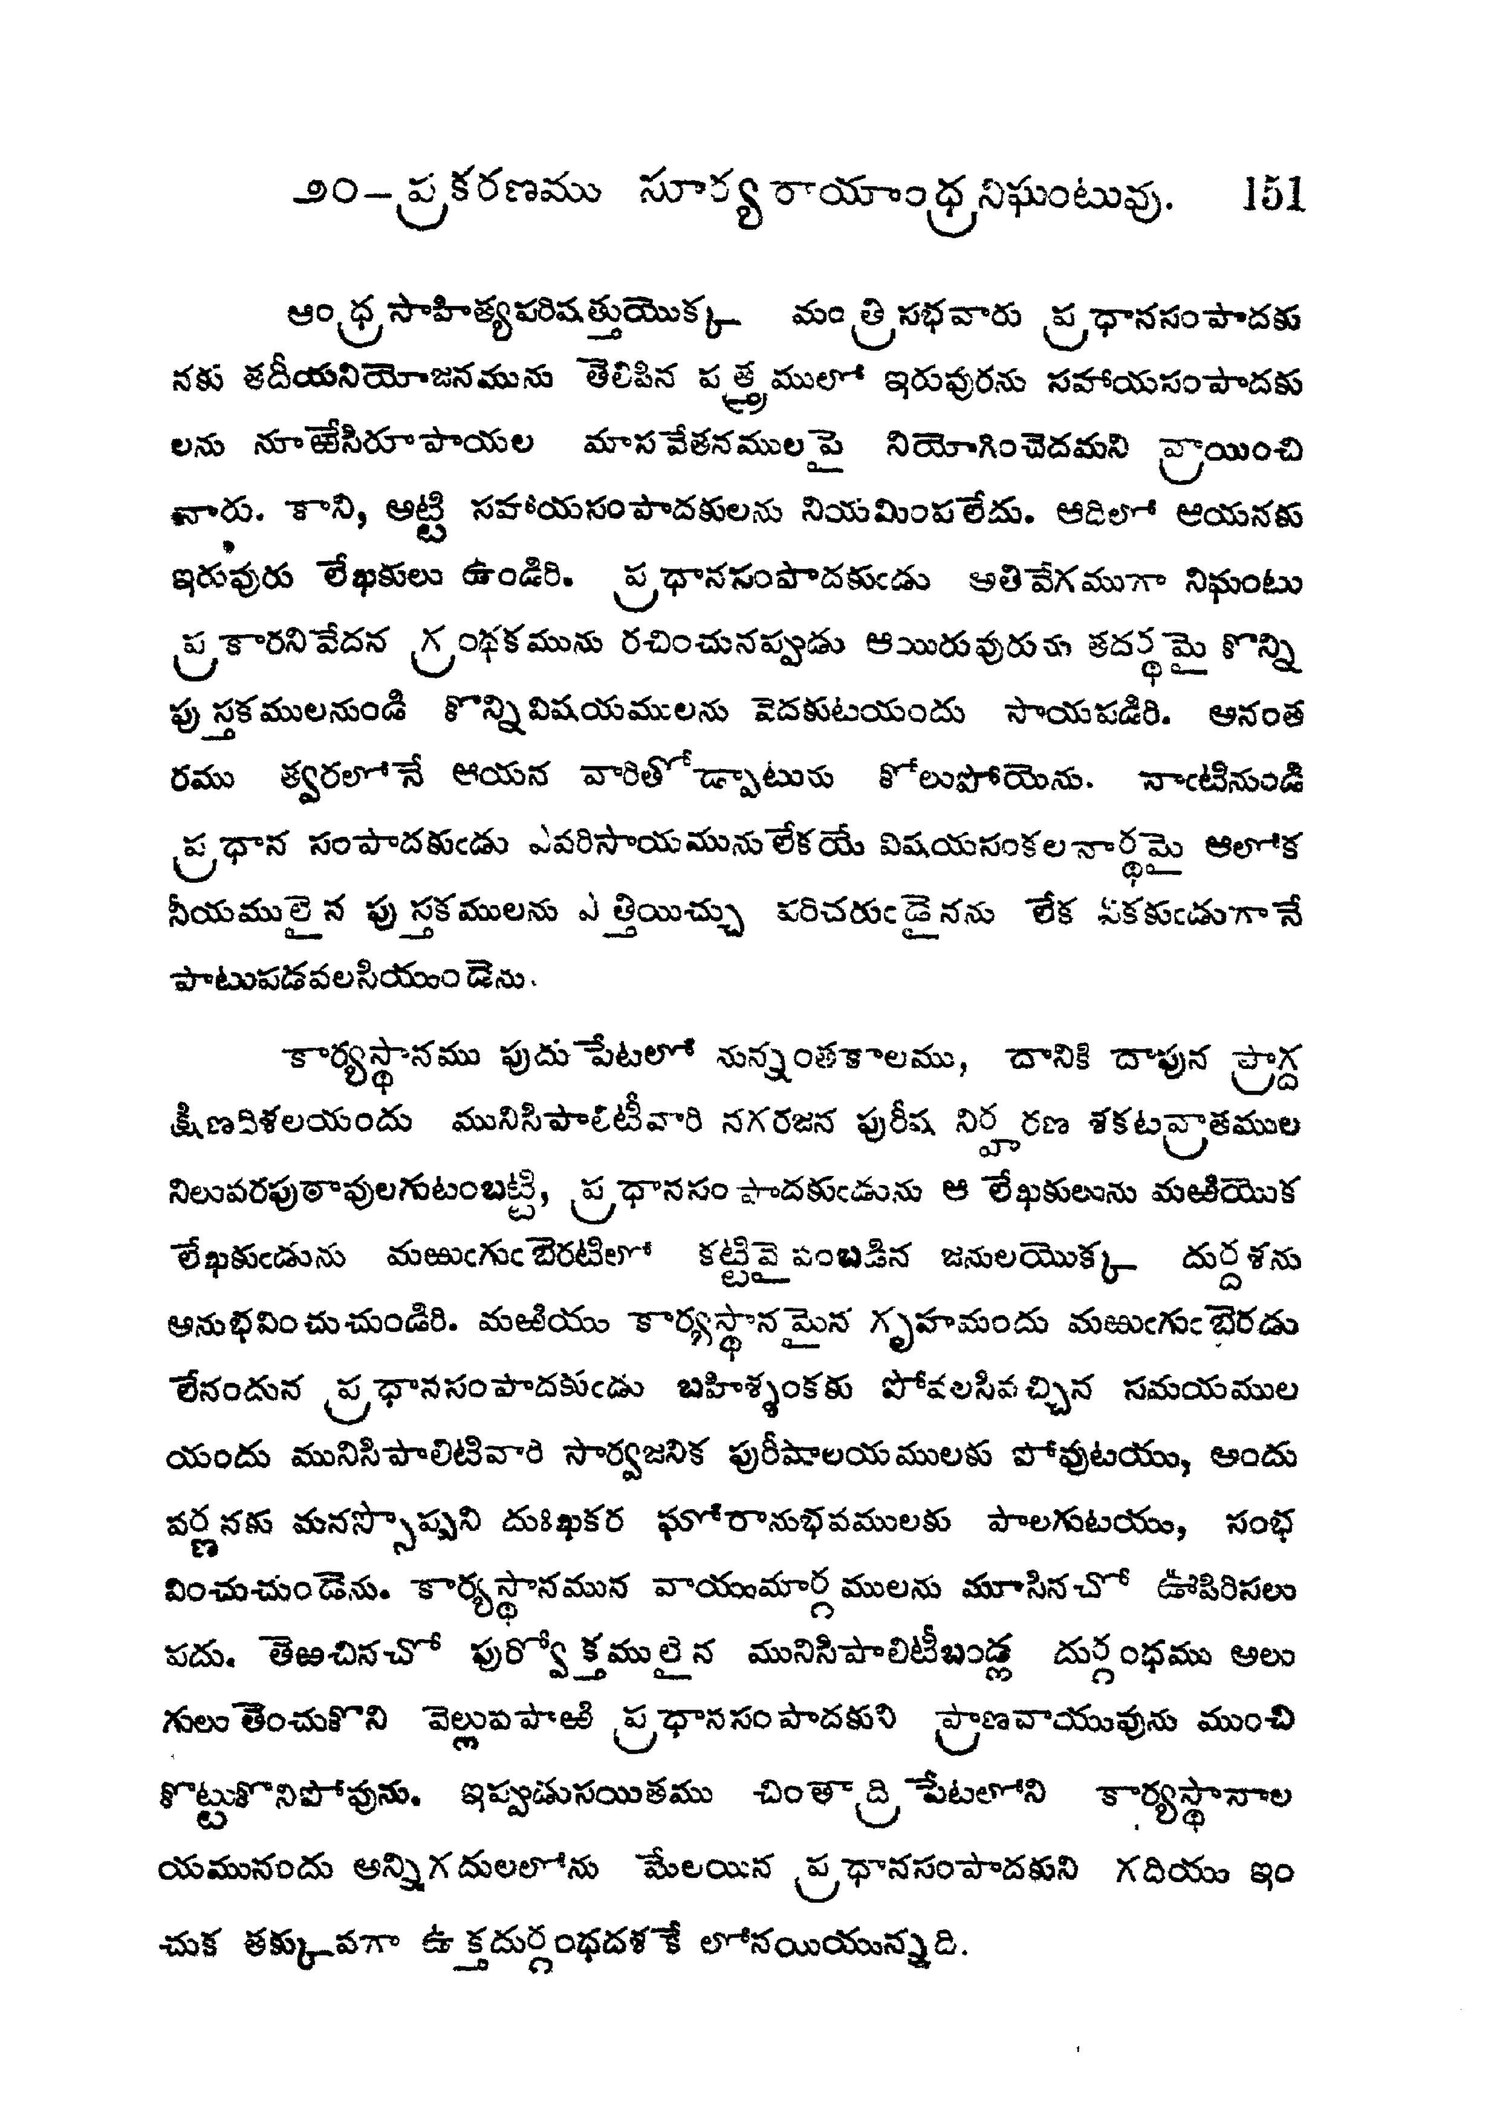ఆంధ్రసాహిత్యపరిషత్తుయొక్క మంత్రిసభవారు ప్రధానసంపాదకునకు తదీయనియోజనమును తెలిపిన పత్త్రములో ఇరువురను సహాయసంపాదకులను నూఱేసిరూపాయల మాసవేతనములపై నియోగించెదమని వ్రాయించినారు. కాని, అట్టి సహాయసంపాదకులను నియమింపలేదు. ఆదిలో ఆయనకు ఇరువురు లేఖకులు ఉండిరి. ప్రధానసంపాదకుడు అతివేగముగా నిఘంటు ప్రకారనివేదన గ్రంథకమును రచించునప్పుడు ఆయిరువురును తదర్థమై కొన్ని పుస్తకములనుండి కొన్నివిషయములను వెదకుటయందు సాయపడిరి. అనంతరము త్వరలోనే ఆయన వారితోడ్పాటును కోలుపోయెను. నాటినుండి ప్రధాన సంపాదకుడు ఎవరిసాయమును లేకయే విషయ సంకలనార్థమై ఆలోక నీయములైన పుస్తకములను ఎత్తియిచ్చు పరిచరుడైనను లేక ఏకకుడుగానే పాటుపడ వలసియుండెను.

కార్యస్థానము పుదుపేటలో నున్నంతకాలము, దానికి దాపున ప్రాగ్దక్షిణదిశలయందు మునిసిపాలిటీ వారి నగరజన పురీష నిర్హరణ శకటవ్రాతముల నిలువరపుఠావులగుటంబట్టి, ప్రధాన సంపాదకుడును ఆ లేఖకులును మఱియొక లేఖకుడును మఱుగుబెరటిలో కట్టివైపంబడిన జనులయొక్క దుర్దశను అనుభవించు చుండిరి. మఱియు కార్యస్థానమైన గృహమందు మఱుగు బెరడు లేనందున ప్రధానసంపాదకుడు బహిశ్శంకకు పోవలసివచ్చిన సమయములయందు మునిసిపాలిటివారి సార్వజనిక పురీషాలయములకు పోవుటయు, అందు వర్ణనకు మనస్సొప్పని దు:ఖకర ఘోరానుభవములకు పాలగుటయు, సంభవించు చుండెను. కార్యస్థానమున వాయుమార్గములను మూసినచో ఊపిరిసలుపదు. తెఱచినచో పుర్వోక్తములైన మునిసిపాలిటీబండ్ల దుర్గంధము అలుగులుతెంచుకొని వెల్లువపాఱి ప్రధానసంపాదకుని ప్రాణవాయువును ముంచి కొట్టుకొనిపోవును. ఇప్పుడుసయితము చింతాద్రి పేటలోని కార్యస్థానాలయమునందు అన్నిగదులలోను మేలయిన ప్రధానసంపాదకుని గదియు ఇంచుక తక్కువగా ఉక్తదుర్గంధదశకే లోనయియున్నది.